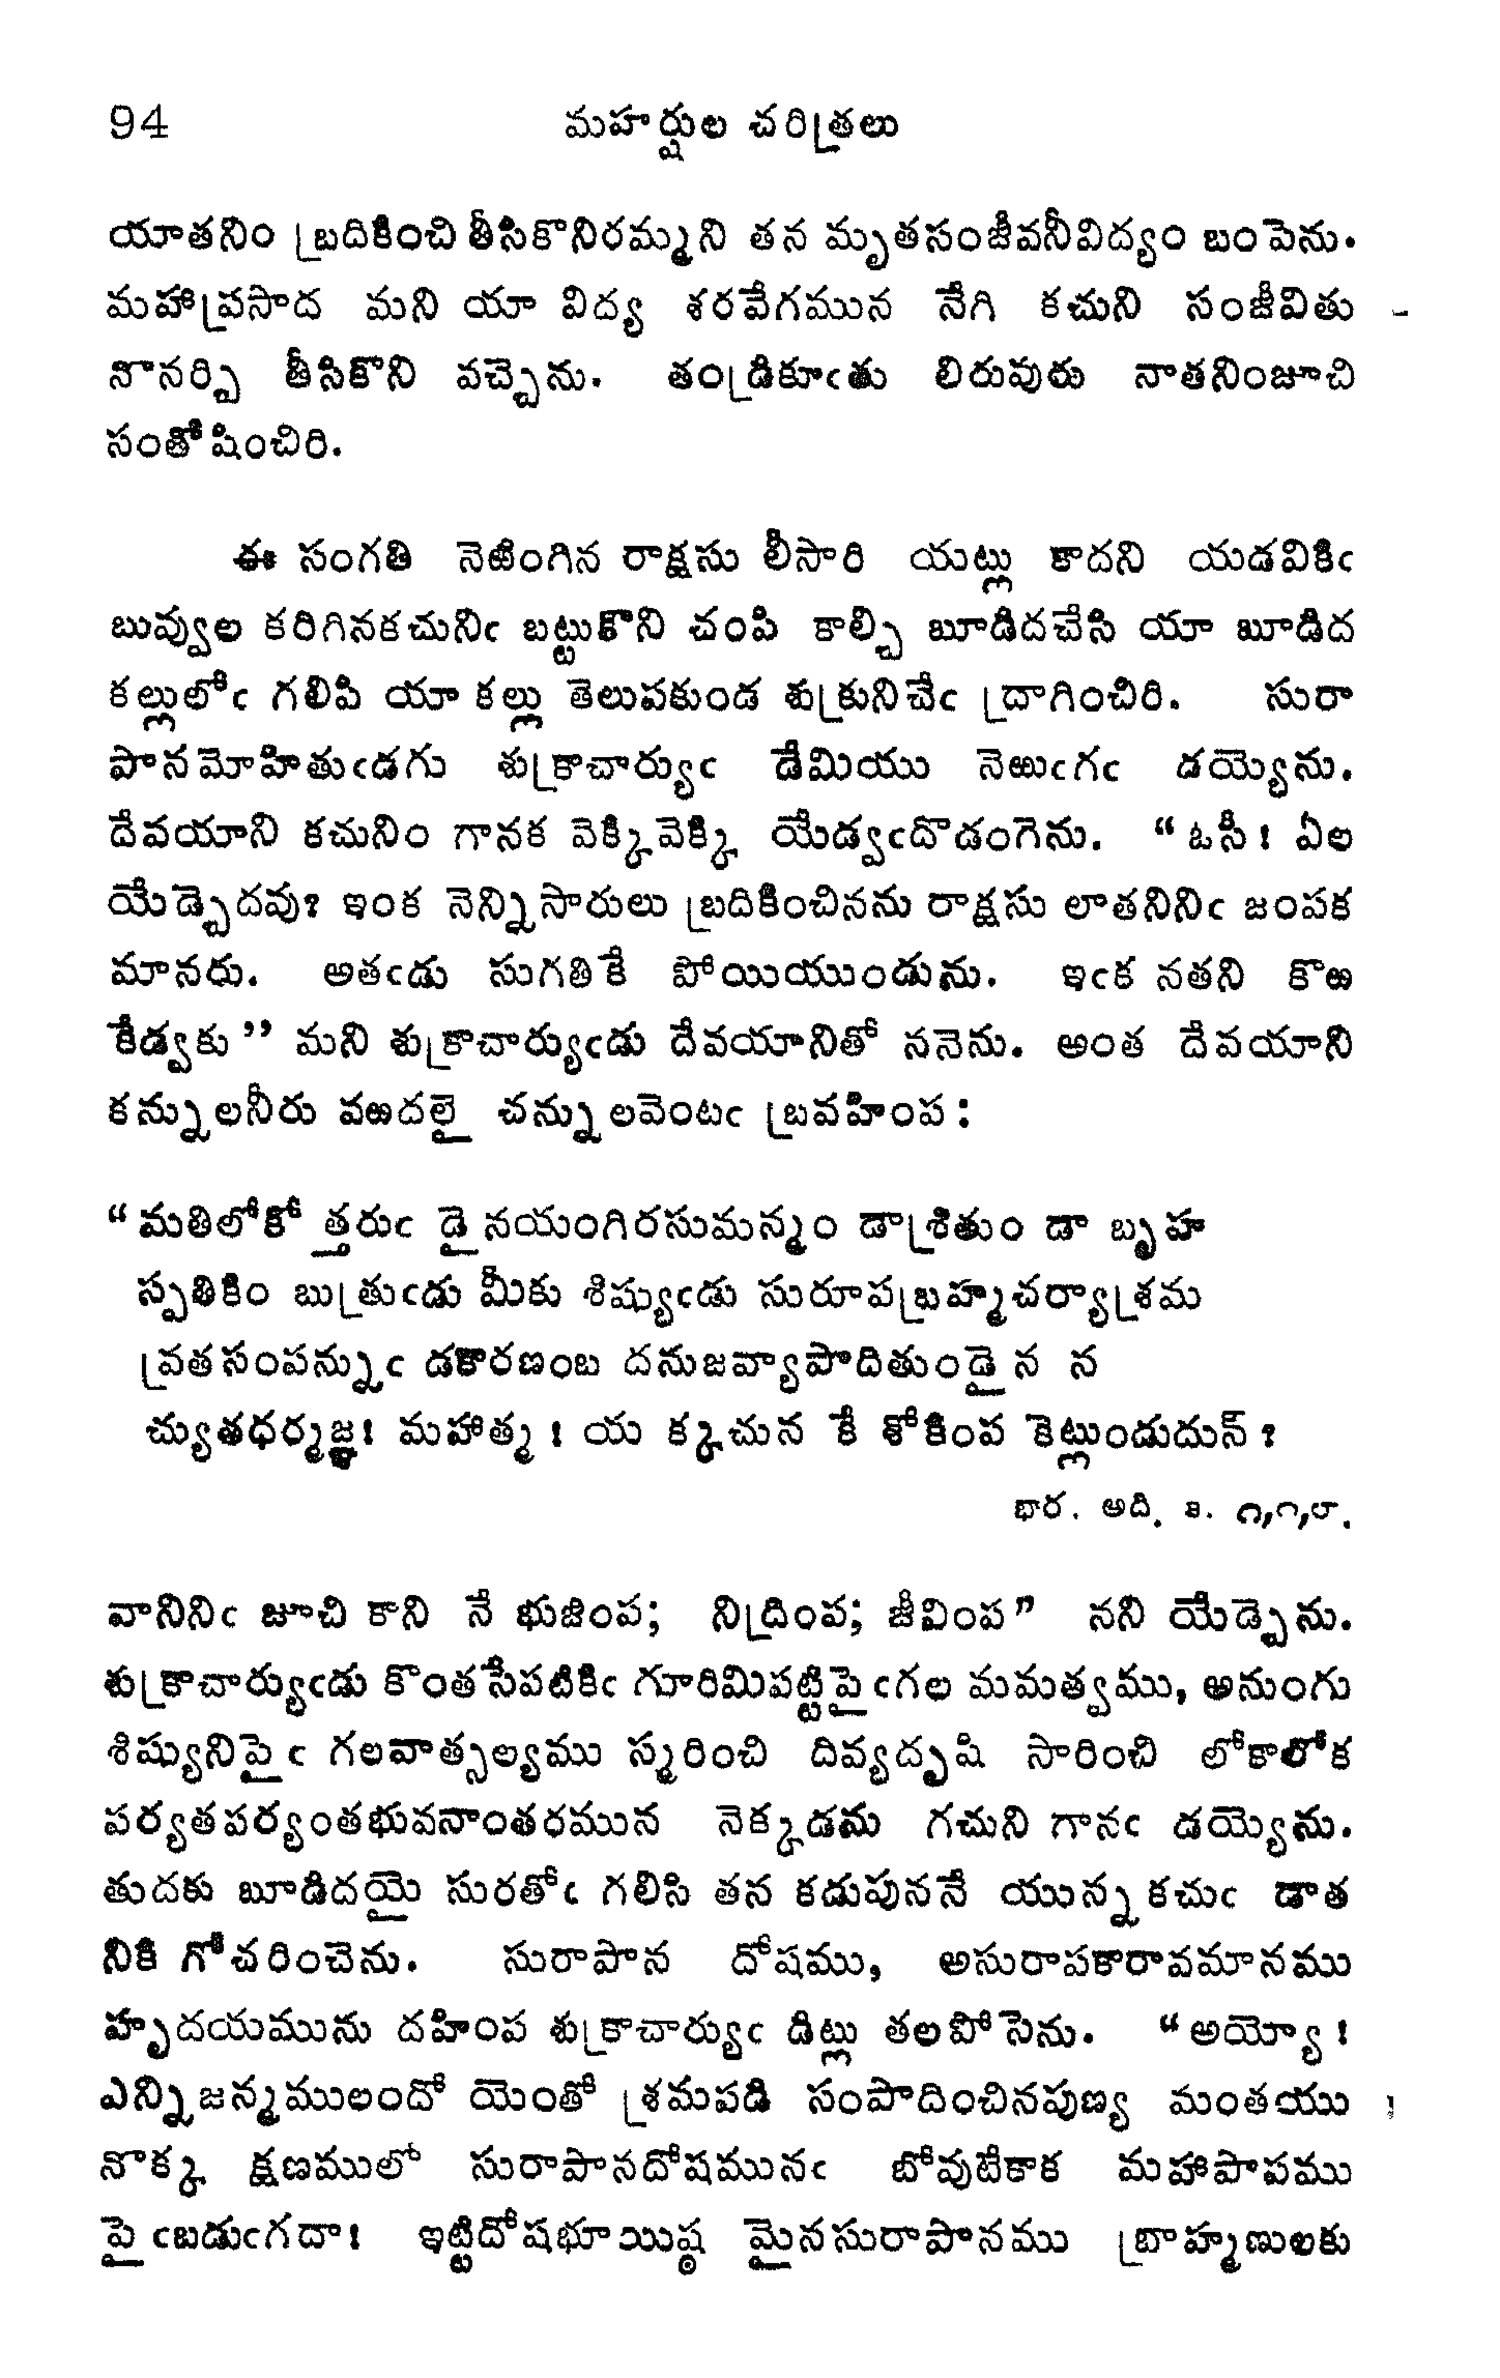యాతనిం బ్రదికించి తీసికొనిరమ్మని తన మృతసంజీవనీవిద్యం బంపెను. మహాప్రసాద మని యా విద్య శరవేగమున నేగి కచుని సంజీవితు నొనర్చి తీసికొని వచ్చెను. తండ్రికూఁతు లిరువురు నాతనింజూచి సంతోషించిరి.

ఈ సంగతి నెఱింగిన రాక్షసు లీసారి యట్లు కాదని యడవికిఁ బువ్వుల కరిగినకచునిఁ బట్టుకొని చంపి కాల్చి బూడిదచేసి యా బూడిద కల్లులోఁ గలిపి యా కల్లు తెలుపకుండ శుక్రునిచేఁ ద్రాగించిరి. సురాపాన మోహితుఁడగు శుక్రాచార్యుఁ డేమియు నెఱుఁగఁ డయ్యెను. దేవయాని కచునిం గానక వెక్కి వెక్కి యేడ్వఁదొడంగెను. “ఓసీ ! ఏల యేడ్చెదవు? ఇంక నెన్నిసారులు బ్రదికించినను రాక్షసు లాతనినిఁ జంపక మానరు. అతఁడు సుగతికే పోయియుండును. ఇంక నతని కొఱ కేడ్వకు" మని శుక్రాచార్యుఁడు దేవయానితో ననెను. అంత దేవయాని కన్నులనీరు వఱదలై చన్నులవెంటఁ బ్రవహింప : 

"మతిలోకోత్తరుఁ డై నయంగిరసుమన్మం డాశ్రితుం డా బృహ 
 స్పతికిం బుత్రుఁడు మీకు శిష్యుఁడు సురూపబ్రహ్మచర్యాశ్రమ 
 వ్రతసంపన్నుఁ డకారణంబ దనుజవ్యాపాదితుండైన న 
 చ్యుతధర్మజ్ఞ! మహాత్మ ! య క్కచున కే శోకింప కెట్లుండుదున్ ?
 భార. అది. 3. 1,1,8. 
వానినిఁ జూచి కాని నే భుజింప; నిద్రింప; జీవింప" నని యేడ్చెను. శుక్రాచార్యుఁడు కొంత సేపటికిఁ గూరిమిపట్టి పైఁగల మమత్వము, అనుంగు శిష్యునిపైఁ గలవాత్సల్యము స్మరించి దివ్యదృషి సారించి లోకాలోక పర్యత పర్యంతభువనాంతరమున నెక్కడమ గచుని గానఁ డయ్యెను. తుదకు బూడిదయై సురతోఁ గలిసి తన కడుపుననే యున్న కచుఁ డాతనికి గోచరించెను. సురాపాన దోషము, అసురాపకారావమానము హృదయమును దహింప శుద్రాచార్యుఁ డిట్లు తలపోసెను. " అయ్యో ! ఎన్ని జన్మములందో యెంతో శ్రమపడి సంపాదించినపుణ్య మంతయు నొక్క క్షణములో సురాపానదోషమునఁ బోవుటేకాళ మహాపాపము పైఁ బడుఁగదా! ఇట్టిదోషభూయిష్ట మైనసురాపానము బ్రాహ్మణులకు